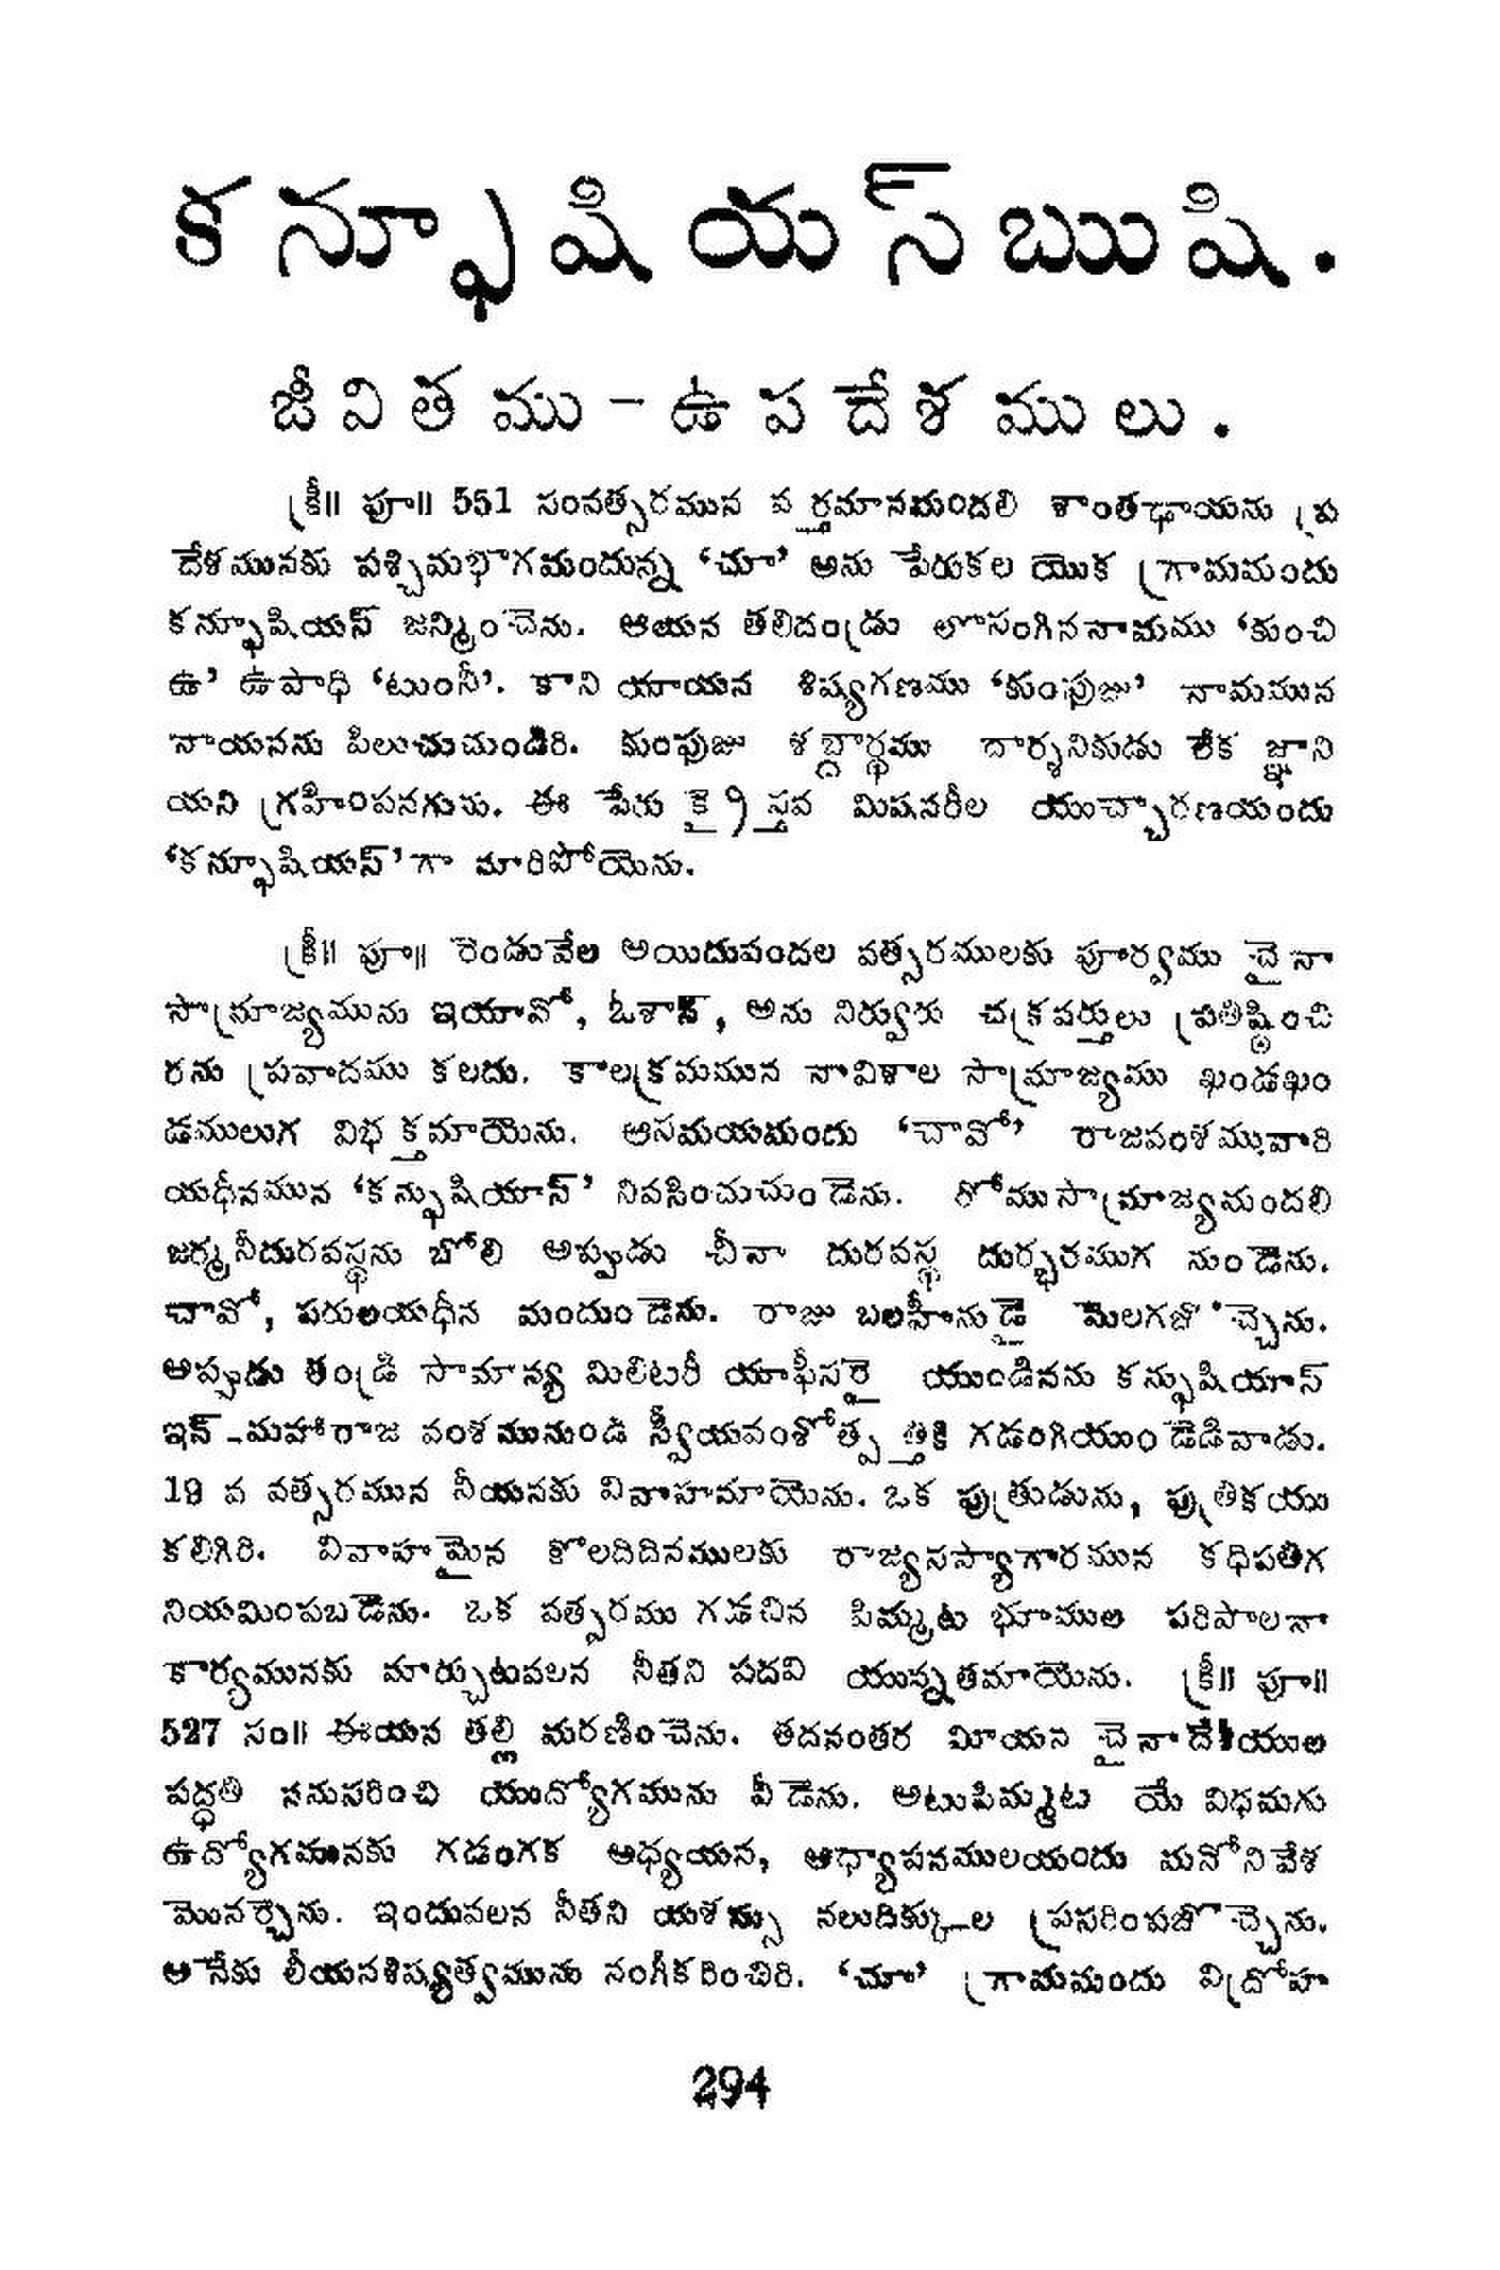కన్ఫూషియస్ ఋషి.

 జీ వి త ము - ఉ ప దే శ ము లు.

 క్రీ|| పూ|| 561 సంవత్సమున వర్తమానమందలి శాంతఢాయను ప్రదేశము నకు పశ్చిమభాగమందున్న 'చూ ' అను పేరుగల యొక గ్రామమునందు కన్ఫూషియస్ జన్మించెను. ఆయన తల్లిదండ్రు లొసంగిననామము 'కుంచిఉ ' ఉపాధి 'టుంనీ ', కాని యాయన శిష్యగణము 'కుంపుజు ' నామమున నాయన ను పిలుచుచుండిరి. కుంపుజు శబ్దార్ధము దార్శనికుడు లేక జ్ఞాని యని గ్రహింప నగును. ఈ పేరు క్రైస్తవ మిషనరీల యుచ్చారణయందు 'కన్ఫూషియస్ ' గా మారిపోయెను.
 
క్రీ|| పూ|| రెండువేల అయిదువందల వత్సరములకు పూర్వము చైనా సామ్రాజ్యమును ఇయానో, ఓశాన్, అను నిర్వురు చక్రవర్తులు ప్రతిష్ఠించిరను ప్రచారము కలదు. కాలక్రమమున నావిశాల సామ్రాజ్యము ఖండఖండములుగ విభక్తమాయెను. ఆసమయమందు 'చావో ' రాజవంశమువారి యధీనమున 'కన్ఫూషియాన్ ' నివసించుచుండెను. రోముసామ్రాజ్యమందలి జర్మనీదుర వస్థను బోలి అప్పుడు చీనా దురవస్థ దుర్భరముగ నుండెను. చావో, పరుల యధీన మందుండెను. రాజు బలహీనుడై మెలగజొచ్చెను. అప్పుడు తండ్రి సామాన్య మిలటరీ యాఫీసరై యుండినను కన్ఫుషియాన్ ఇన్-మహారాజ వంశమునుండి స్వీయవంశోత్పత్తికి గడంగియుండెడివాడు. 19 వ వత్సరమున నీయనకు వివాహమాయెను. ఒక పుత్రుడు, పుత్రికయు కలిగిరి. వివాహామైన కొలదిదినములకు రాజ్యసస్యాగారమున కధిపతిగ నియమింపబడెను. ఒక వత్సరము గడచిన పిమ్మట భూముల పరిపాలనా కార్యమునకు మార్చుటవలన నీతని పదవి యున్నతమాయెను. క్రీ|| పూ|| 527 సం|| ఈయన తల్లి మరణించెను. తదనంతర మీయన చైనాదేశీయులపద్దతి నను సరించి యుద్యోగమును వీడెను. అటుపిమ్మట యేవిధమగు ఉద్యోగమునకు గడంగక అధ్యయన, అధ్యాసనములయందు మనోనివేశమొనర్చెను. ఇందు వలన నీతని యశస్సు పలుదిక్కుల ప్రసరింపజొచ్చెను. అనేకు లీయన శిష్యత్వమును నంగీకరించిరి. 'చూ ' గ్రామమందు విద్రోహ